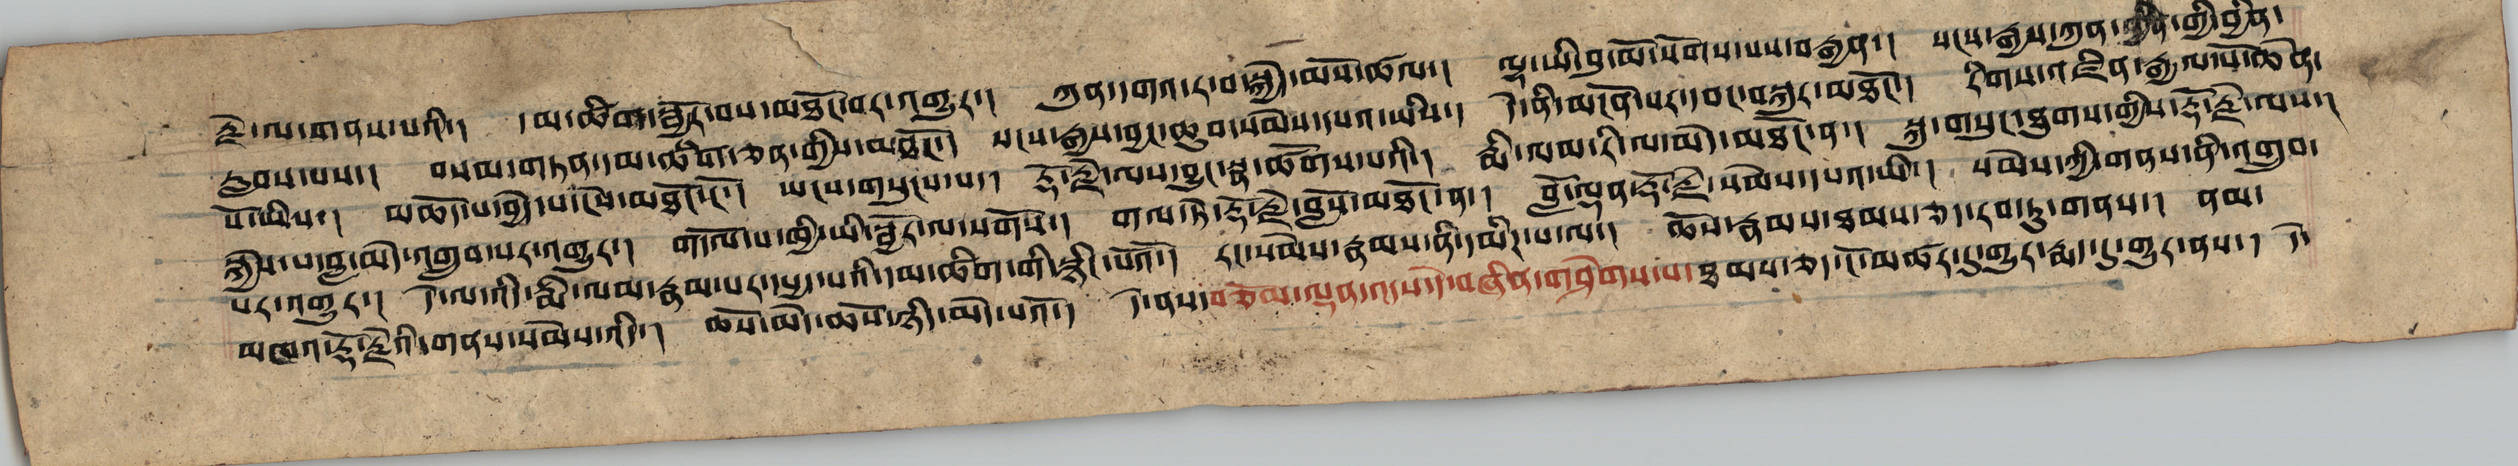རྗེ་ལ་གནས་པའི་། དམ་ཚིག་སྦྱོར་བས་མཐོང་བར་འགྱུར་། ཀུན་དགའ་ར་བ་སྐྱེད་མོས་ཚལ་། ལྷ་ཡི་བུ་མོ་སོགས་པས་བརྒྱན་། སངས་རྒྱས་ཀུན་ གྱི་བྱིན་
རླབས་པས་། བསམ་གཏན་དམ་ཚིག་ཅན་གྱིས་མཐོང་། སངས་རྒྱས་བྱང་ཆུབ་སེམས་དཔའ་ཡིས་། དེ་ནི་མངོན་པར་དབང་བསྐུར་མཐོང་། རིགས་འཛིན་རྒྱལ་པོ་ཆེན་
སོ་ཡིས་། མཆོད་པ་བྱེད་པ་ངེས་མཐོང་ངོ་། ཡངས་གསུངས་པ་་ རྡོ་རྗེ་ལས་བྱུང་སྣ་ཚོགས་པའི་། རྨི་ལམ་རི་ལ་མེད་མཐོང་ན་། སྐུ་གསུང་ཐུགས་གྱིས་རྡོ་རྗེ་ལས་།
སྐྱེས་པ་བླ་མེད་འགྲུབ་པར་འགྱུར་། གདོལ་པ་ཁྱི་ཡི་སྦྱོར་ལ་སོགས་། གལ་ཏེ་རྡོ་རྗེ་བློས་མཐོང་ན་། བློ་ལྡན་རྡོ་རྗེ་སེམས་དཔའ་ཡི་། སེམས་ཀྱི་གནས་ནི་འགྲུབ་
པར་འགྱུར་། དེ་ལ་འདི་རྨི་ལམ་རྣམ་པར་དཔྱད་པའི་དམ་ཚིག་གི་སྙིང་པོའོ་། རང་སེམས་རྣམས་ནི་དམིཌ་པ་ལ་། ཆོས་རྣམས་ཐམས་ཅད་རབ་ཏུ་གནས་། ནམ་
མཁའ་རྡོ་རྗེའི་གནས་སེམས་འདི་། ཆོས་མེད་ཆོས་ཉིད་མེད་པའོ་། དེ་ནས་བཅོམ་ལྡན་འདས་དེ་བཞིན་གཤེགས་པ་ཐམས་ཅད་ངོ་མཚར་དུ་གྱུར་རྨད་དུ་གྱུར་ནས་།